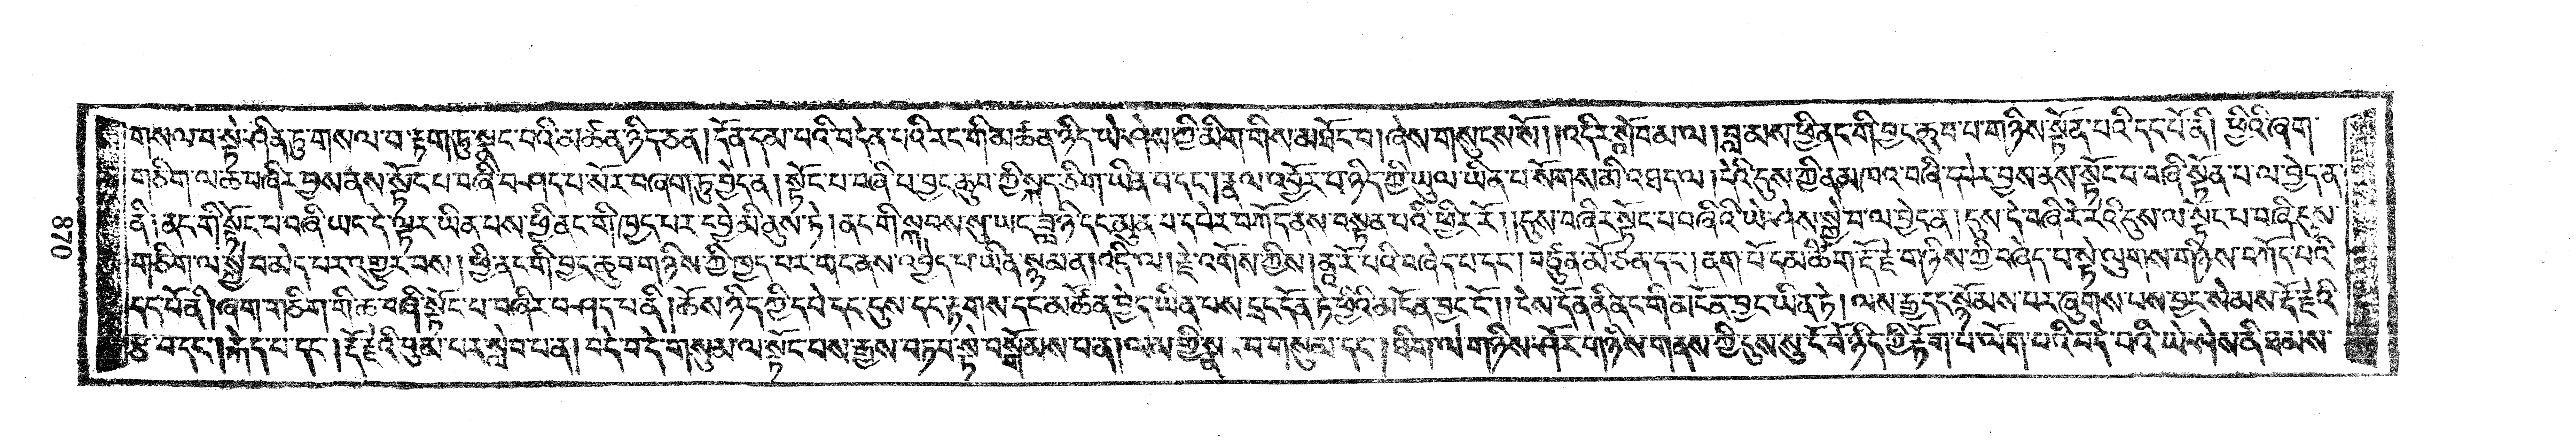གསལ་བ་སྟེ་ཤིན་ཏུ་གསལ་བ་རྟག་ཏུ་སྣང་བའི་མཚན་ཉིད་ཅན། དོན་དམ་པའི་བདེན་པའི་རང་གི་མཚན་ཉིད་ཡེ་ཤེས་ཀྱི་མིག་གིས་མཐོང་བ། ཞེས་གསུངས་སོ། །འདིར་སློབ་མ་ལ། བླ་མས་ཕྱི་ནང་གི་བྱང་ཆུབ་པ་གཉིས་སྟོན་པའི་དང་པོ་ནི། ཕྱིའི་ཞག་
གཅིག་ལ་ཆ་བཞིར་བྱས་ནས་སྟོང་པ་བཞི་བཤད་པ་སོར་བཞག་ཏུ་བྱེད་ན། སྟོང་པ་བཞི་པ་བྱང་ཆུབ་ཀྱི་སྐད་ཅིག་ཡིན་པ་དང་། རྣལ་འབྱོར་པ་ཉིད་ཀྱི་ཡུལ་ཡིན་པ་སོགས་མི་འཐད་ལ། དེའི་དུས་ཀྱི་ནམ་མཁའ་བཞི་དཔེར་བྱས་ནས་སྟོང་པ་བཞི་སྟོན་པ་ལ་བྱེད་ན་
ནི། ནང་གི་སྟོང་པ་བཞི་ཡང་དེ་ལྟར་ཡིན་པས་ཕྱི་ནང་གི་ཁྱད་པར་དབྱེ་མི་ནུས་ཏེ། ནང་གི་སྐབས་སུ་ཡང་ཟླ་ཉི་དང་མུན་པ་དཔེར་བཀོད་ནས་བསྟན་པའི་ཕྱིར་རོ། །དུས་བཞིར་སྟོང་པ་བཞིའི་ཡེ་ཤེས་སྐྱེ་བ་ལ་བྱེད་ན། དུས་དེ་བཞི་རེ་རེའི་དུས་ལ་སྟོང་པ་བཞི་དུས་
གཅིག་ལ་སྐྱེ་བ་མེད་པར་འགྱུར་བས། ཕྱི་ནང་གི་བྱང་ཆུབ་གཉིས་ཀྱི་ཁྱད་པར་གང་ནས་འབྱེད་པ་ཡིན་སྙམ་ན། འདི་ལ་རྗེ་འགོས་ཀྱིས། ནཱ་རོ་པའི་བཞེད་པ་དང་། བཙུན་མོ་ཅན་དང་། ནག་པོ་དམ་ཚིག་རྡོ་རྗེ་གཉིས་ཀྱི་བཞེད་པ་སྟེ་ལུགས་གཉིས་བཀོད་པའི་
དང་པོ་ནི། ཞག་གཅིག་གི་ཆ་བཞི་སྟོང་པ་བཞིར་བཤད་པ་ནི། ཆོས་ཉིད་ཀྱི་དཔེ་དང་དུས་དང་རྟགས་དང་མཚོན་བྱེད་ཡིན་པས་དྲང་དོན་ཏེ་ཕྱིའི་མངོན་བྱང་ངོ། །ངེས་དོན་ནི་ནང་གི་མངོན་བྱང་ཡིན་ཏེ། ལས་རྒྱ་དང་སྙོམས་པར་ཞུགས་པས་བྱང་སེམས་རྡོ་རྗེའི་
རྩ་བ་དང་། རྐེད་པ་དང་། རྡོ་རྗེའི་བུམ་པར་སླེབ་པ་ན། བདེ་བ་དེ་གསུམ་ལ་སྟོང་པས་རྒྱས་བཏབ་སྟེ་བསྒོམས་པ་ན། ལམ་གྱི་སྣང་བ་གསུམ་དང་། ཐིག་ལེ་གཉིས་ཤོར་གཉིས་གནས་ཀྱི་དུས་སུ་ངོ་བོ་ཉིད་ཀྱི་རྟོག་པ་ལོག་པའི་བདེ་བའི་ཡེ་ཤེས་ན་ཐམས་